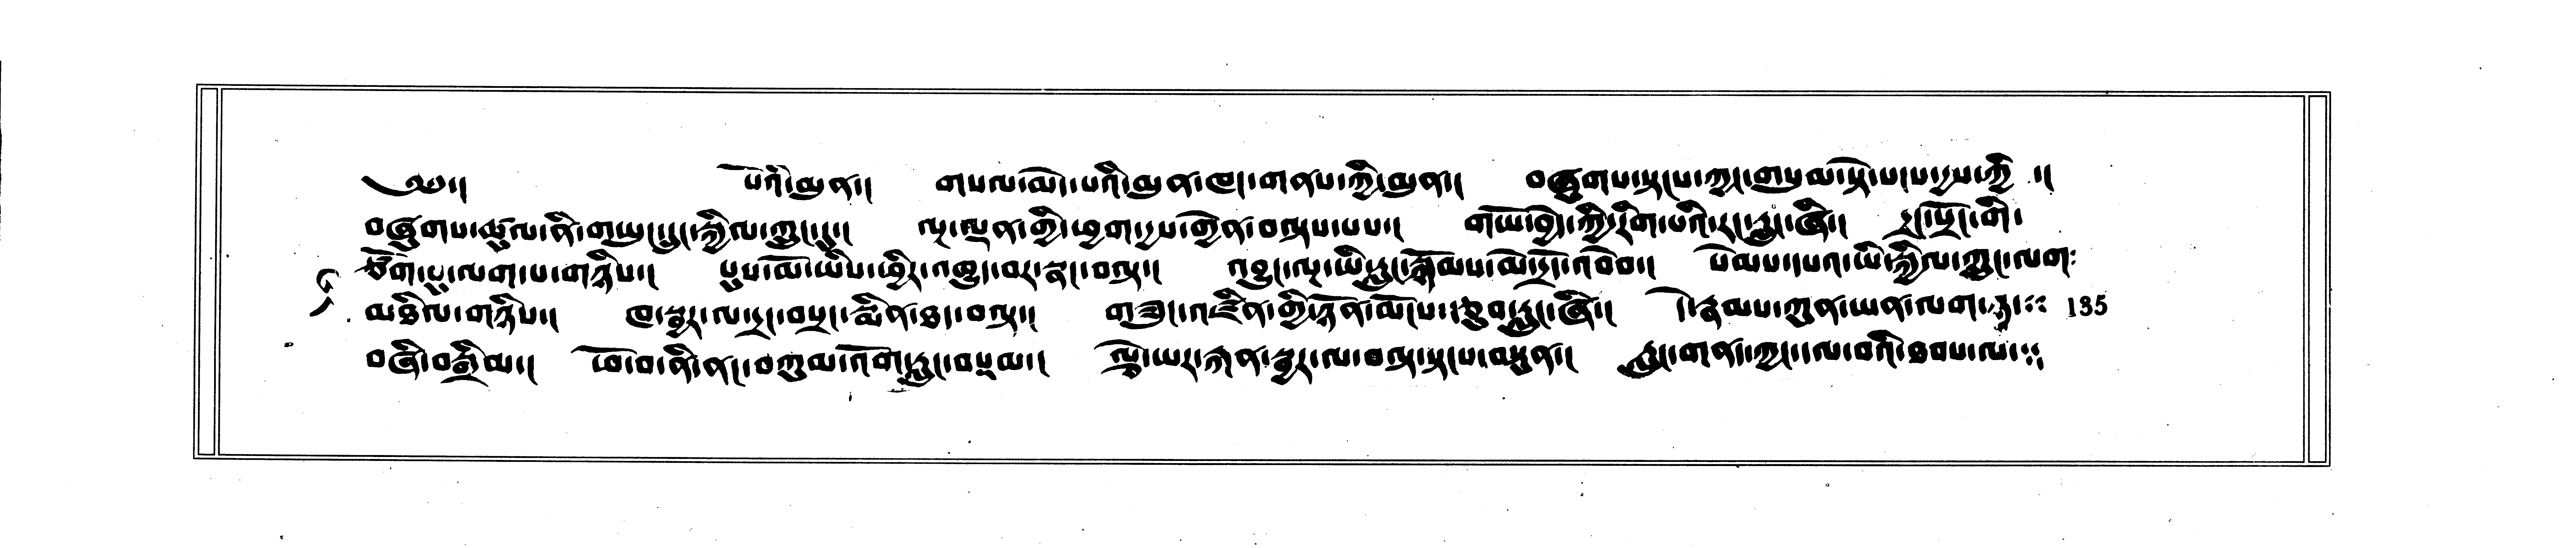པོའི་མུན། །གསལ་མེད་པའི་མུན་ཁང་གནས་ཀྱི་མུན། །བཞུགས་སྟངས་ཀྱང་གསུམ་སྟེ་སངས་རྒྱས་ཀྱི། །
བཞུགས་ཚུལ་ནི་གཡུང་དྲུང་སྐྱིལ་ཀྲུང་དུ། །ལྔ་ལྡན་གྱི་ཕྱག་རྒྱས་གྱེན་བལྟས་པས། །གཡོ་བྱེད་ཀྱི་རིག་པའི་རང་རླུང་ཞི། །དྲང་སྲོང་གི་
ཙོག་པུ་ལག་པ་གཉིས། །པུས་མོ་ཡིས་ཕྱིར་འཁྱུད་བར་སྣང་བལྟ། །འབྱུང་ལྔ་ཡི་རླུང་སྒོམ་མེ་དྲོད་འབེབས། །སེམས་དཔའ་ཡི་སྐྱིལ་ཀྲུང་ལག་
ཐིལ་གཉིས། །ཁ་སྦྱར་ལ་དྲང་སྲོང་སྨིན་ཐད་བལྟ། །གཟུང་འཛིན་གྱི་ཉོན་མོངས་རྩུབ་རླུང་ཞི། །དེ་རྣམས་ཀུན་ཡན་ལག་ཉྭ་
བཞི་བསྒྲིམ། །ཕོ་བ་ནི་ནང་འགུལ་འོག་རླུང་བསྡམ། །ལྕེ་ཡར་རྐན་སྦྱར་ལ་བལྟ་སྟངས་བསྟུན། །རླུང་གནད་ཀྱང་དལ་བའི་ཐབས་ལ་